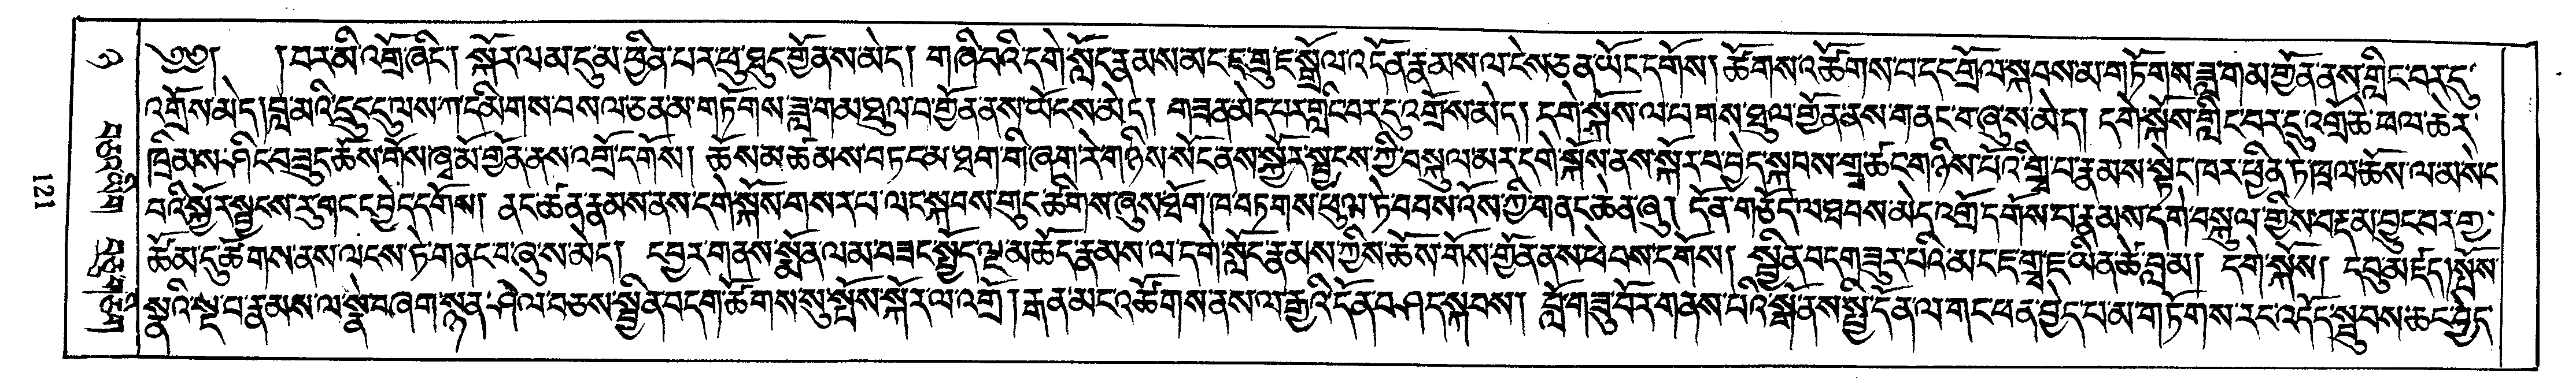༄༅། །བར་མི་འགྲོ་ཞིང་། སྐོར་ལམ་དུ་མ་ཕྱིན་པར་ཕུ་ཐུང་གྱོན་ས་མེད། གཞི་པའི་དགེ་སློང་རྣམས་མང་ཇ་གྲྭ་ཇ་སྒྲོལ་འདོན་རྣམས་ལ་ངེས་ཅན་ཡོང་དགོས། ཚོགས་འཚོགས་པ་དང་གྲོལ་སྐབས་མ་གཏོགས་ཟླ་གམ་གྱོན་ནས་གླིང་བར་དུ་
འགྲོས་མེད། བླ་མའི་དྲུང་དུ་ལས་ཀ་དམིགས་བསལ་ཅན་མ་གཏོགས་ཟླ་གམ་ཐུལ་བ་གྱོན་ནས་ཡོང་ས་མེད། གཟན་མེད་པར་གླིང་བར་དུ་འགྲོ་ས་མེད། དགེ་སྐོས་ལ་པགས་ཐུལ་གྱོན་ནས་གནང་བ་ཞུ་ས་མེད། དགེ་སྐོས་གླིང་བར་དུ་འགྲོ་ཚེ་ཕལ་ཆེར་
ཁྲིམས་ཤིང་བཟུང་ཆོས་གོས་ཞྭ་མོ་གྱོན་ནས་འགྲོ་དགོས། ཆོས་མཚམས་བཏང་མ་ཐག་གི་ཞག་རེ་གཉིས་སོང་ནས་སྐྱོར་སྦྱངས་ཀྱི་བསྐུལ་མར་དགེ་སྐོས་ནས་སྐོར་བ་བྱེད་སྐབས་གྲྭ་ཚང་གཉིས་པོའི་གྲྭ་པ་རྣམས་སྟེང་ཁར་ཕྱིན་ཏེ་ཁྲལ་ཆོས་ལ་མ་སེང་
བའི་སྐྱོར་སྦྱངས་རུ་གང་ང་བྱེད་དགོས། ནང་ཆེན་རྣམས་ནས་དགེ་སྐོས་གསར་བ་ལང་སྐབས་གུང་ཚིགས་ཞུས་ཐོག་ཁ་བཏགས་ཕུལ་ཏེ་བབས་འོས་ཀྱི་གནང་ཆེན་ཞུ། དོན་གཅོད་ལ་ཐབས་མེད་འགྲོ་དགོས་པ་རྣམས་དགེ་བསྐུལ་གྱིས་བརྡ་མ་བྱུང་བར་གྱ་
ཚོམ་དུ་ཚོགས་ནས་ལངས་ཏེ་གནང་བ་ཞུ་ས་མེད། དབྱར་གནས་སྨོན་ལམ་བཟང་སྤྱོད་ལྔ་མཆོད་རྣམས་ལ་དགེ་སློང་རྣམས་ཀྱིས་ཆོས་གོས་གྱོན་ནས་ཕེབས་དགོས། སྦྱིན་བདག་ཟུར་བའི་མང་ཇ་གྲྭ་ཇ་ཡིན་ཚེ་བླ་མ། དགེ་སྐོས། དབུ་མཛད། སྤོས་
སྣའི་སྡེ་པ་རྣམས་ལ་སྣེ་བཞག་སྙན་ཤལ་བཅས་སྦྱིན་བདག་ཚོགས་སུ་སྤོས་སྐོར་ལ་འགྲོ། རྒན་མང་འཚོགས་ནས་ལ་རྒྱའི་དོན་བཤད་སྐབས། བློ་གཟུ་བོར་གནས་པའི་སྒོ་ནས་སྤྱི་དོན་ལ་གང་ཕན་བྱེད་པ་མ་གཏོགས་རང་འདོད་སྦུབས་ཚང་བྱེད་